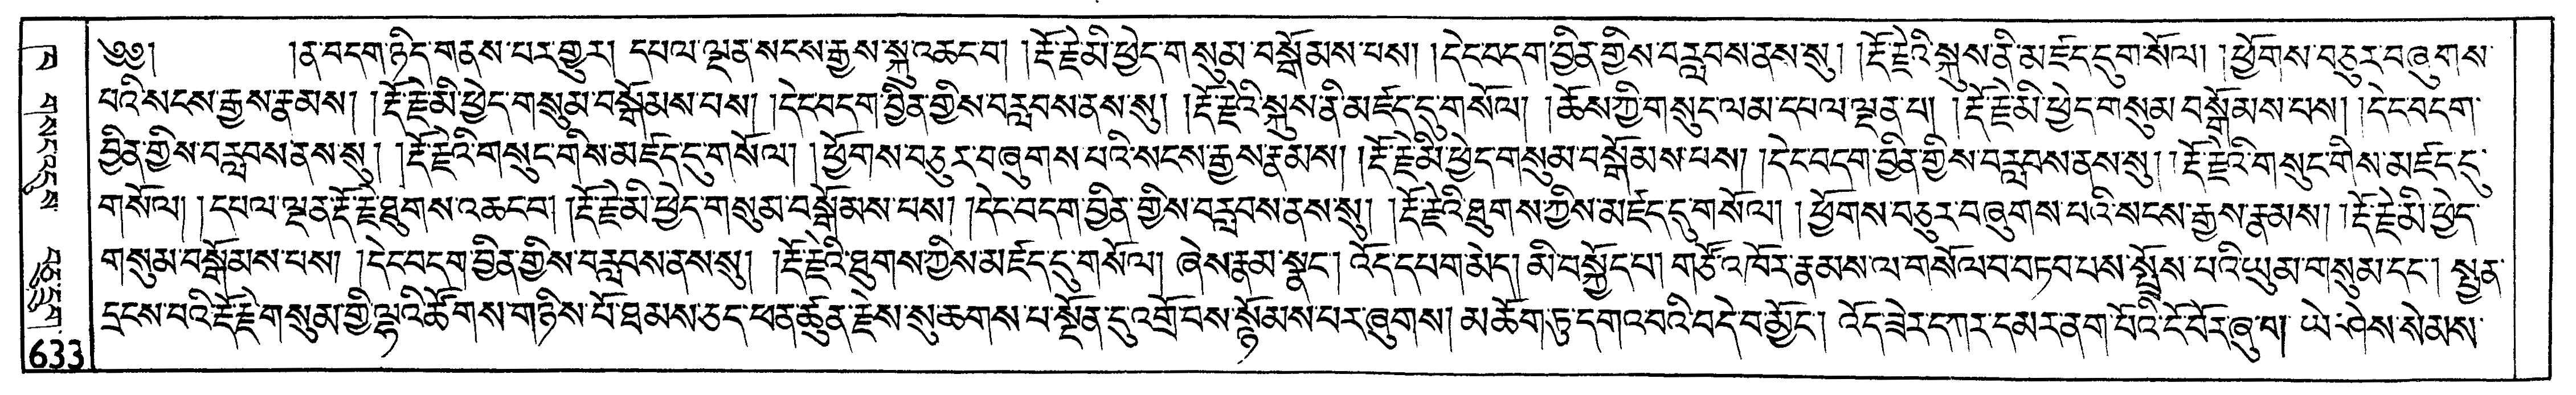༄༅། །ན་བདག་ཉིད་གནས་པར་གྱུར། དཔལ་ལྡན་སངས་རྒྱས་སྐུ་འཆང་བ། །རྡོ་རྗེ་མི་ཕྱེད་གསུམ་བསྒོམས་པས། །དེང་བདག་བྱིན་གྱིས་བརླབས་ནས་སུ། །རྡོ་རྗེའི་སྐུས་ནི་མཛད་དུག་སོལ། །ཕྱོགས་བཅུར་བཞུགས་
པའི་སངས་རྒྱས་རྣམས། །རྡོ་རྗེ་མི་ཕྱེད་གསུམ་བསྒོམས་པས། །དེང་བདག་བྱིན་གྱིས་བརླབས་ནས་སུ། །རྡོ་རྗེའི་སྐུས་ནི་མཛད་དུ་གསོལ། །ཆོས་ཀྱི་གསུང་ལམ་དཔལ་ལྡན་པ། །རྡོ་རྗེ་མི་ཕྱེད་གསུམ་བསྒོམས་པས། །དེང་བདག་
བྱིན་གྱིས་བརླབས་ནས་སུ། །རྡོ་རྗེའི་གསུང་གིས་མཛད་དུ་གསོལ། །ཕྱོགས་བཅུར་བཞུགས་པའི་སངས་རྒྱས་རྣམས། །རྡོ་རྗེ་མི་ཕྱེད་གསུམ་བསྒོམས་པས། །དེང་བདག་བྱིན་གྱིས་བརླབས་ནས་སུ། །རྡོ་རྗེའི་གསུང་གིས་མཛད་དུ་
གསོལ། །དཔལ་ལྡན་རོད་རྗེ་ཐུགས་འཆང་བ། །རྡོ་རྗེ་མི་ཕྱེད་གསུམ་བསྒོམས་པས། །དེང་བདག་བྱིན་གྱིས་བརླབས་ནས་སུ། །རྡོ་རྗེའི་ཐུགས་ཀྱིས་མཛད་དུ་གསོལ། །ཕྱོགས་བཅུར་བཞུགས་པའི་སངས་རྒྱས་རྣམས། །རྡོ་རྗེ་མི་ཕྱེད་
གསུམ་བསྒོམས་པས། །དེང་བདག་བྱིན་གྱིས་བརླབས་ནས་སུ། །རྡོ་རྗེའི་ཐུགས་ཀྱིས་མཛད་དུ་གསོལ། ཞེས་རྣམ་སྣང་། འོད་དཔག་མེད། མི་བསྐྱོད་པ། གཙོ་འཁོར་རྣམས་ལ་གསོལ་བ་བཏབ་པས་སྤྲོས་པའི་ཡུམ་གསུམ་དང་། སྤྱན་
དྲངས་པའི་རྡོ་རྗེ་གསུམ་གྱི་ལྷའི་ཚོགས་གཉིས་པོ་ཐམས་ཅད་ཕན་ཚུན་རྗེས་སུ་ཆགས་པ་སྔོན་དུ་འགྲོ་བས་སྙོམས་པར་ཞུགས། མཆོག་ཏུ་དགའ་བའི་བདེ་བ་མྱོང་། འོད་ཟེར་དཀར་དམར་ནག་པོའི་ངོ་བོར་ཞུ་བ། ཡེ་ཤེས་སེམས་